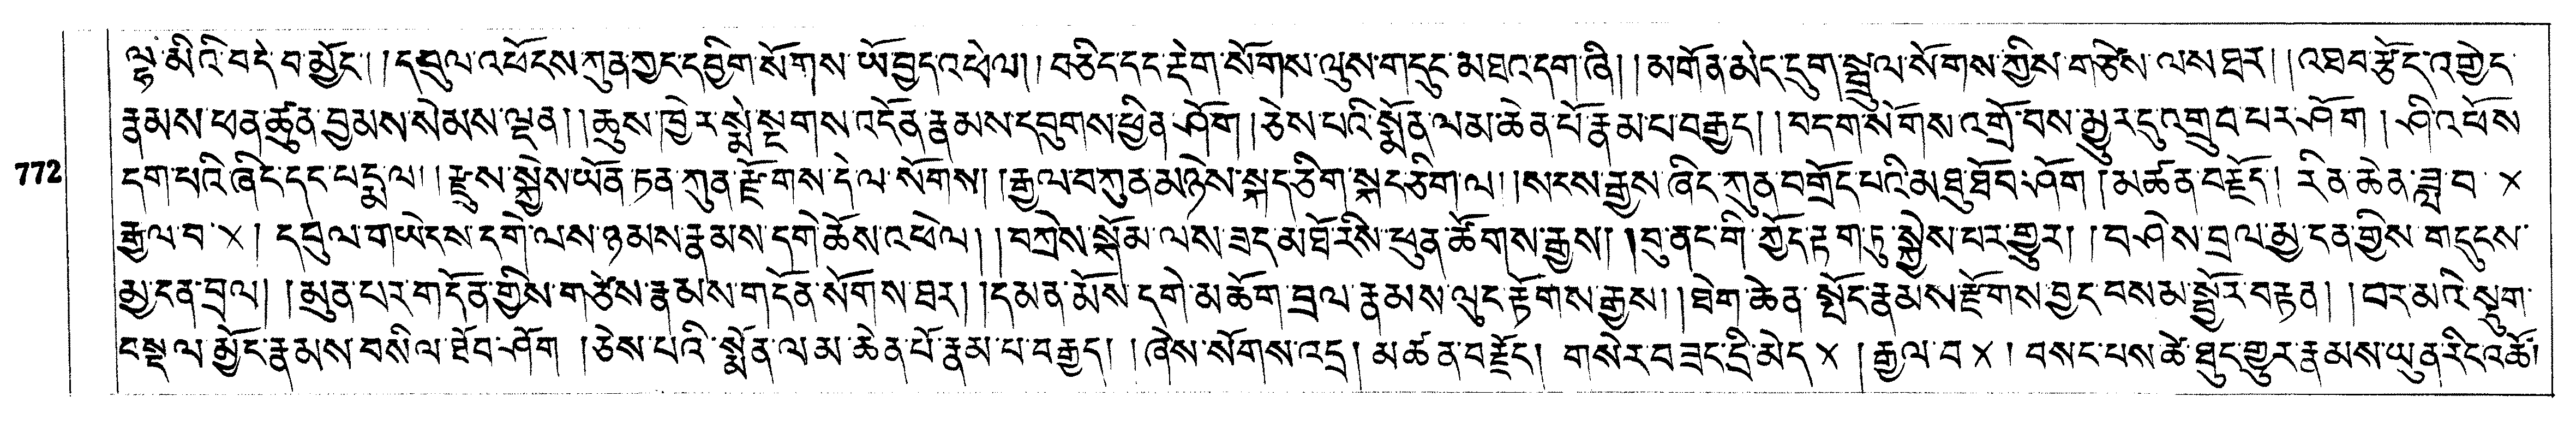ལྷ་མིའི་བདེ་བ་མྱོང་། །དབུལ་འཕོངས་ཀུན་ཀྱང་དབྱིག་སོགས་ཡོ་བྱད་འཕེལ། །བཅིང་དང་རྡེག་སོགས་ལུས་གདུང་མཐའ་དག་ཞི། །མགོན་མེད་དུག་སྦྲུལ་སོགས་ཀྱིས་གཙིས་ལས་ཐར། །འཐབ་རྩོད་འགྱེད་
རྣམས་ཕན་ཚུན་བྱམས་སེམས་ལྡན། །ཆུས་ཁྱེར་སྨེ་སྔགས་འདོན་རྣམས་དབུགས་ཕྱིན་ཤོག །ཅེས་པའི་སྨོན་ལམ་ཆེན་པོ་རྣམ་པ་བརྒྱད། །བདག་སོགས་འགྲོ་བས་མྱུར་དུ་འགྲུབ་པར་ཤོག །ཤི་འཕོས་
དག་པའི་ཞིང་དང་པདམ་ལ། །རྫུས་སྐྱེས་ཡོན་ཏན་ཀུན་རྫོགས་དེ་ལ་སོགས། །རྒྱལ་བ་ཀུན་མཉེས་སྐད་ཅིག་སྐད་ཅིག་ལ། །སངས་རྒྱས་ཞིང་ཀུན་བགྲོད་པའི་མཐུ་ཐོབ་ཤོག །མཚན་བརྗོད། རིན་ཆེན་ཟླ་བ་྾་
རྒྱལ་བ་྾། དབུལ་གཡེངས་དགེ་ལས་ཉམས་རྣམས་དགེ་ཆོས་འཕེལ། །བཀྲེས་སྐོམ་ལས་ཟད་མཐོ་རིས་ཕུན་ཚོགས་རྒྱས། །བུ་ནང་གི་ཀྱོད་རྟག་ཏུ་སྐྱེས་པར་གྱུར། །བཤེས་བྲལ་མྱ་ངན་གྱིས་གདུངས་
མྱ་ངན་བྲལ། །མུན་པར་གདོན་གྱིས་གཙེས་རྣམས་གདོན་སོགས་ཐར། །དམན་མོས་དགེ་མཆོག་བྲལ་རྣམས་ལུང་རྟོགས་རྒྱས། །ཐེག་ཆེན་སྤོང་རྣམས་རྫོགས་བྱང་བསམ་སྦྱོར་བརྟན། །བར་མའི་སྡུག་
བསྔལ་མྱོང་རྣམས་བསིལ་ཐོབ་ཤོག །ཅེས་པའི་སྨོན་ལམ་ཆེན་པོ་རྣམ་པ་བརྒྱད། །ཞེས་སོགས་འདྲ། མཚན་བརྗོད། གསེར་བཟང་དྲི་མེད་྾། རྒྱལ་བ་྾། བསང་པས་ཚེ་ཐུང་གྱུར་རྣམས་ཡུན་རིང་འཚོ།